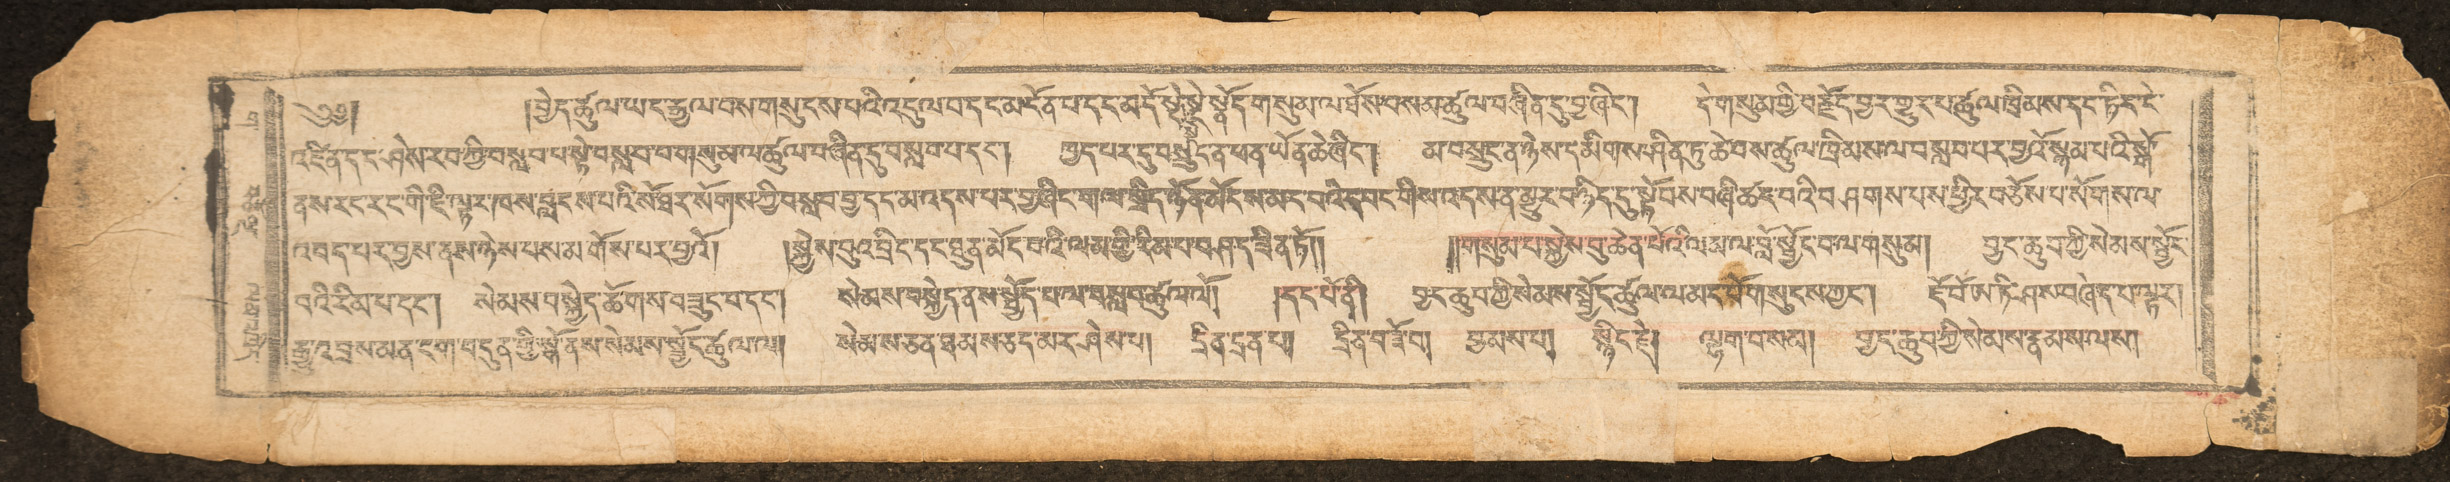༄༅། །བྱེད་ཚུལ་ཡང་རྒྱལ་བས་གསུངས་པའི་འདུལ་བ་དང་མངོན་པ་དང་མདོ་??་སྣོད་གསུམ་ལ་ཐོས་པས་མཚུལ?་བཞིན་དུ་བྱ་ཞིང་། དེ་གསུམ་གྱི་བརྗོད་བྱར་གྱུར་པ་ཚུལ་ཁྲིམས་དང་??
འཛིན་དང་ཤེས་རབ་ཀྱི་བསླབ་པ་སྟེ་བསླབ་པ་གསུམ་ཡ་ཚུལ་བཞིན་དུ་བསླབ་པ་དང་། ཁྱད་པར་དུ་བསྲུང་ན་ཕན་ཡོན་ཆེ་ཞིང་། མ་བསྲུང་ན་ཉེས་དམིགས་ཤིན་ཏུ་ཆེ་བས་ཚུལ་ཁྲིམས་ལ་བསླབ་པར་བྱའོ་སྙམ་པའི་སྒོ་
ནས་རང་རང་གི་ཇི་ལྟར་ཁས་བླངས་པའི་སོ་ཐར་སོགས་ཀྱི་བསླབ་བྱ་དང་མ་འདས་པར་བྱ་ཞིང་གལ་སྲིད་ཉོན་མོངས་མང་པའི་དབང་གིས་འདས་ན་མྱུང་བ་ཉིད་དུ་སྟོབས་བཞི་ཚང་བའི་བཤགས་པས་ཕྱིར་བཅོས་བ་སོགས་ལ་
འབད་པར་བྱས་ནས་ཉེས་བསམ་གོས་པར་བྱའོ། །སྐྱེས་བུ་འབྲིང་དང་ཐུན་མོང་བའི་ལམ་གྱི་རིམ་པ་བཤད་ཟིན་ཏོ།། །།གསུམ་པ་སྐྱེས་བུ་ཆེན་པོའི་ལམ་ལ་བློ་སྦྱོང་བ་ལ་གསུམ། བྱང་ཆུབ་ཀྱི་སེམས་སྦྱོར་
བའི་རིམ་པ་དང་། སེམས་བསྐྱེད་ཆོགས་བཟུང་བ་དང་། སེམས་བསྐྱེད་ནས་སྤྱོད་པ་ལ་བསླབ་ཚུལ་ལོ། །དང་པོ་ནི། བྱང་ཆུབ་ཀྱི་སེམས་སྤྱོད་ཚུལ་ལ་མང་པོ་གསུངས་ཀྱང་། ཛོ་བོ་ཨ་ཏི་ཤས་བཞེད་བ་ལྟར།
སྒྱུ་འབྲས་མན་ངག་བདུན་གྱི་?་ནས་སེམས་སྦྱོར་ཆུལ་ལ། སེམས་ཅན་ཐམས་ཅད་མང་ཤེས་པ། དྲིན་དྲན་པ། དྲིན་པ་ཟོ་བ། བྱམས་པ། སྙིང་རྗེ། ལྷག་བསམ། བྱང་ཆུབ་ཀྱི་སེམས་རྣམས་ལས།